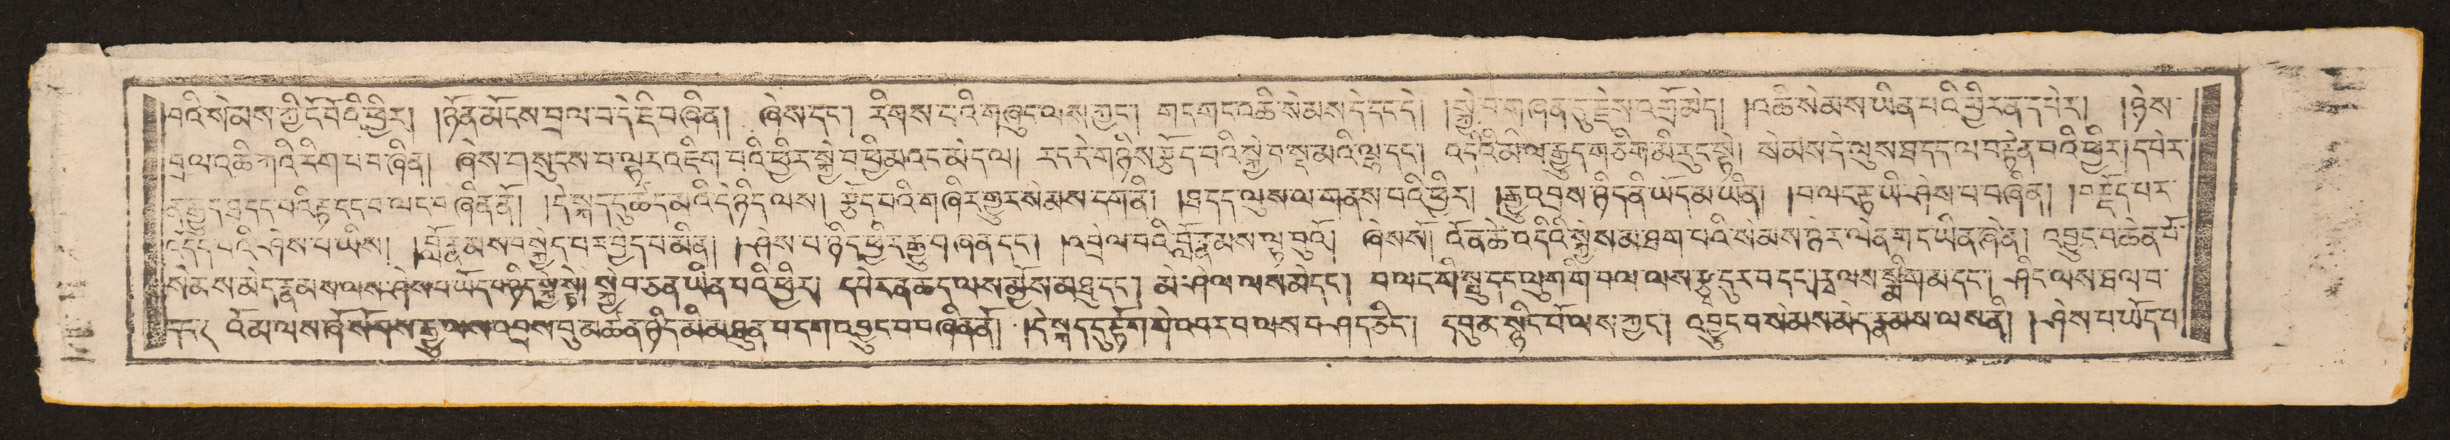བའི་སེམས་ཀྱི་ངོ་བོའི་ཕྱིར། །ཉོན་མོངས་བྲལ་བ་དེ་ཇི་བཞིན། ཞེས་དང་། རིགས་པའི་གཞུང་ལས་ཀྱང་། གང་གང་འཆི་སེམས་དེ་དང་དེ། །སྐྱེ་བ་གཞན་དུ་རྗེས་འགྲོ་མེད། །འཆི་སེམས་ཡིན་པའི་ཕྱིར་ན་དཔེར། །ཉེས་
བྲལ་འཆི་ཀའི་རིག་པ་བཞིན། ཞེས་གསུངས་པ་ལྟར་འཇིག་པའི་ཕྱིར་སྐྱེ་བ་ཕྱི་མའང་མེད་ལ། རང་རེ་གཉིས་རྩོད་པའི་སྐྱེ་བ་སྔ་མའི་ལྷ་དང་། འདིའི་མི་ལ་རྒྱུད་གཅིག་མི་རུང་སྟེ། སེམས་དེ་ལུས་ཐ་དད་ལ་བརྟེན་པའི་ཕྱིར། དཔེར་
ན་རྒྱུད་ཐ་དད་པའི་རྟ་ངང་བ་ལང་བཞིན་ནོ། །དེ་སྐད་དུ་ཚད་མའི་དེ་ཉིད་ལས། རྩོད་པའི་གཞིར་གྱུར་སེམས་དག་ནི། །ཐ་དད་ལུས་ལ་གནས་པའི་ཕྱིར། །རྒྱུ་འབྲས་ཉིད་ནི་ཡོད་མ་ཡིན། །བ་ལང་རྟ་ཡི་ཤེས་བ་བཞིན། །བརྗོད་པར་
འདོད་པའི་ཤེས་པ་ཡིས། །བློ་རྣམས་བསྐྱེད་བར་བྱེད་བ་མིན། །ཤེས་པ་ཉིད་ཕྱིར་རྒྱུ་གཞན་དང་། །འབྲེལ་བའི་བློ་རྣམས་ལྟ་བུའོ། ཞེས་སོ། འོ་ན་ཚེ་འདིའི་སྐྱེས་མ་ཐག་པའི་སེམས་ཉེར་ལེན་གང་ཡིན་ཞེན། འབྱུང་བ་ཆེན་པོ་
སེམས་མེད་རྣམས་ལས་ཤེས་པ་ཡོད་པ་ཉིད་སྐྱེ་སྟེ། སྐྱེ་བ་ཅན་ཡིན་པའི་ཕྱིར། དཔེར་ན་ཆང་ལས་མྱོས་མཐུ་དང་། མེ་ཤེལ་ལས་མེ་དང་། བ་ལང་གི་སྤུ་དང་ཡུག་གི་བལ་ལས་རྩྭ་དུར་བ་དང་། རྭ་ལས་སྨིག་མ་དང་། ཤིང་ལས་ཐལ་བ་
དང༑ འོ་མ་ལས་ཞོ་སོགས་རྒྱུ་ལས་འབྲས་བུ་མཚན་ཉིད་མི་མཐུན་པ་དག་འབྱུང་བ་བཞིན་ནོ། །དེ་སྐད་དུ་རྟོག་གེ་འབར་པ་ལས་བཤད་ཅིང་། དབུ་མ་སྙིང་པོ་ལས་ཀྱང་། འབྱུང་བ་སེམས་མེད་རྣམས་ལས་ནི། །ཤེས་པ་ཡོད་པ་